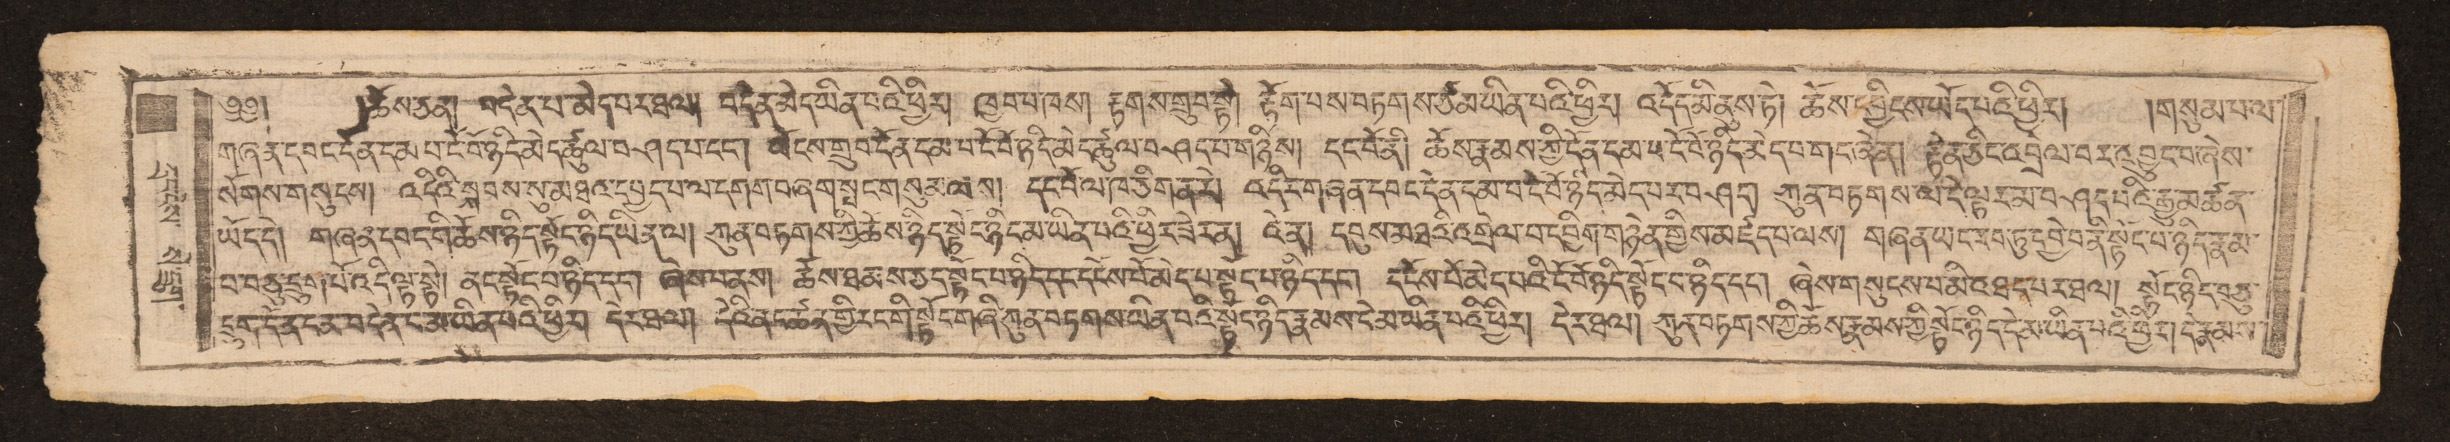༄༅། །ཆོས་ཅན། བདེན་པ་མེད་པར་ཐལ། བདེན་མེད་ཡིན་པའི་ཕྱིར། ཁྱབ་པ་ཁས། རྟགས་གྲུབ་སྟེ། རྟོག་པས་བཏགས་ཙམ་ཡིན་པའི་ཕྱིར། འདོད་མི་ནུས་ཏེ། ཆོས་དབྱིངས་ཡོད་པའི་ཕྱིར། །གསུམ་པ་ལ་
གཞན་དབང་དོན་དམ་པ་ངོ་བོ་ཉིད་མེད་ཚུལ་བཤད་པ་དང་། ཡོངས་གྲུབ་དོན་དམ་པ་ངོ་བོ་ཉིད་མེད་ཚུལ་བཤད་པ་གཉིས། དང་པོ་ནི། ཆོས་རྣམས་ཀྱི་དོན་དམ་པ་ངོ་བོ་ཉིད་མེད་པ་གང་ཞེ་ན། རྟེན་ཅིང་འབྲེལ་བར་འབྱུང་བ་ཞེས་
སོགས་གསུངས། འདིའི་སྐབས་སུ་མཐའ་དཔྱད་པ་ལ་དགག་བཞག་སྤང་གསུམ་ལས། དང་པོ་ལ་ཁ་ཅིག་ན་རེ། འདིར་གཞན་དབང་དོན་དམ་པ་ངོ་བོ་ཉིད་མེད་པར་བཤད། ཀུན་བཏགས་ལ་དེ་ལྟར་མ་བཤད་པའི་རྒྱུ་མཚན་
ཡོད་དེ། གཞན་དབང་གི་ཆོས་ཉིད་སྟོང་ཉིད་ཡིན་ལ། ཀུན་བཏགས་ཀྱི་ཆོས་ཉིད་སྟོང་ཉིད་མ་ཡིན་པའི་ཕྱིར་ཟེར་ན། འོ་ན། དབུས་མཐའི་འགྲེལ་བ་དབྱིག་གཉེན་གྱིས་མཛད་པ་ལས། གཞན་ཡང་རབ་ཏུ་དབྱེ་བ་ནི་སྟོང་པ་ཉིད་རྣམ་
པ་བཅུ་དྲུག་པོ་འདི་ལྟ་སྟེ། ནང་སྟོང་བ་ཉིད་དང་། ཞེས་པ་ནས། ཆོས་ཐམས་ཅད་སྟོང་པ་ཉིད་དང་དངོས་པོ་མེད་པ་སྟོང་པ་ཉིད་དང་། དངོས་པོ་མེད་པའི་ངོ་བོ་ཉིད་སྟོང་པ་ཉིད་དང་། ཞེས་གསུངས་པ་མི་འཐད་པར་ཐལ། སྟོང་ཉིད་བཅུ་
དྲུག་དོན་དམ་བདེན་པ་མ་ཡིན་པའི་ཕྱིར། དེར་ཐལ། དེའི་ནང་ཚན་གྱི་རང་གི་སྟོང་གཞི་ཀུན་བཏགས་ཡིན་པའི་སྟོང་ཉིད་རྣམས་དེ་མ་ཡིན་པའི་ཕྱིར། དེར་ཐལ། ཀུན་བཏགས་ཀྱི་ཆོས་རྣམས་ཀྱི་སྟོང་ཉིད་དེ་མ་ཡིན་པའི་ཕྱིར། དེ་རྣམས་